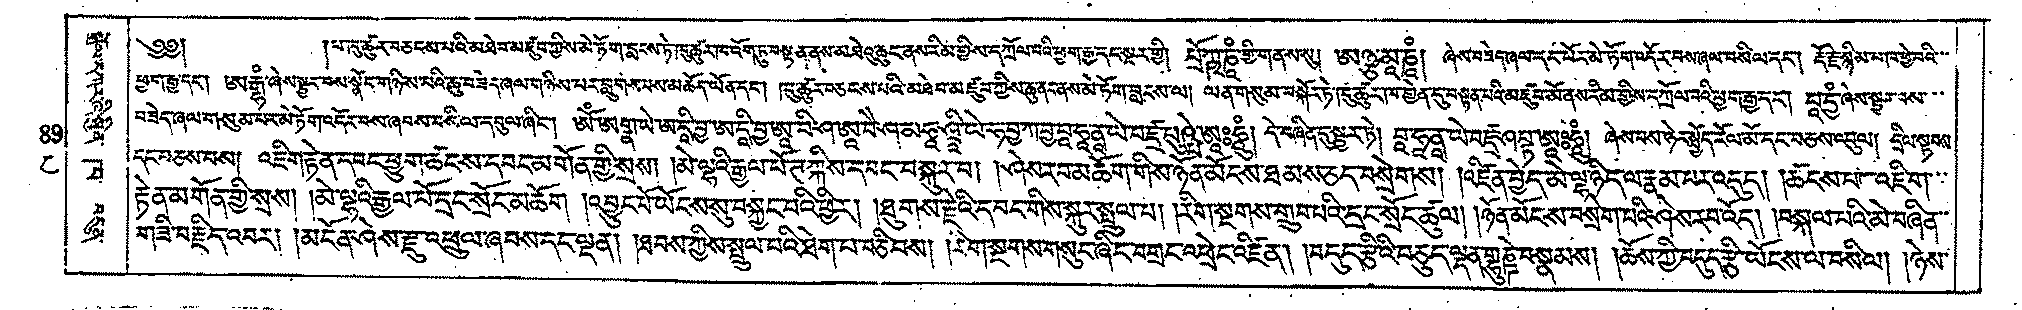༄༅། །པ་ཁུ་ཚུར་བཅངས་པའི་མཐེབ་མཛུབ་ཀྱིས་མེ་ཏོག་བླངས་ཏེ་ཁུ་ཚུར་ཁ་འོག་ཏུ་བསྟན་ནས་མཐེའུ་ཆུང་ནས་རིམ་གྱིས་དཀྲོལ་བའི་ཕྱག་རྒྱ་དང་སྔར་གྱི། པྲོཀྵ་ཎཱཾ་གྱི་གནས་སུ།  ཨཉྩ་མཱ་ཎཱཾ། ཞེས་བཟེད་ཞལ་དང་པོར་མེ་ཏོག་འདོར་བས་ཞལ་བསིལ་དང་། རྡོ་རྗེ་སྙིམ་པ་ཁ་ཕྱེ་བའི་་་
ཕྱག་རྒྱ་དང་ཨརྒྷཾ་ཞེས་སྦྱར་བས་སྣོད་གཉིས་པའི་ཆུ་བཟེད་ཞལ་གཉིས་པར་བླུགས་པས་མཆོད་ཡོན་དང་། ཁུ་ཚུར་བཅངས་པའི་མཐེབ་མཛུབ་ཀྱིས་ཆུ་ནང་ནས་མེ་ཏོག་བླངས་ལ། ལན་གསུམ་བསྐོར་ཏེ་ཁུ་ཚུར་ཁ་གྱེན་དུ་བསྟན་པའི་མཛུབ་མོ་ནས་རིམ་གྱིས་དཀྲོལ་བའི་ཕྱག་རྒྱ་དང་།  པཱ་དྱཾ་ཞེས་སྦྱར་བས་་་
བཟེད་ཞལ་གསུམ་པར་མེ་ཏོག་འདོར་བས་ཞབས་བསིལ་དབུལ་ཞིང་། ཨོཾ་ཨགན་ཡེ་ཨ་དཱི་བྱ་ཨ་དཱི་བྱ་ཨཱ་བི་ཤ་ཨཱ་བཻ་ཤ་མྷཱ་ཤྲཱི་ཡེ་ཧ་བྱ་ཀ་བྱ་བཱ་ཧཱ་ནཱ་ཡེ་བཛྲ་པུཥྤེ་ཨཱཿཧཱུཾ། དེ་བཞིན་དུ་སྦྱར་ཏེ།  བཱ་ཧཱ་ནཱ་ཡེ་བཛྲ་ཤཔྟ་ཨཱཿཧཱུཾ།